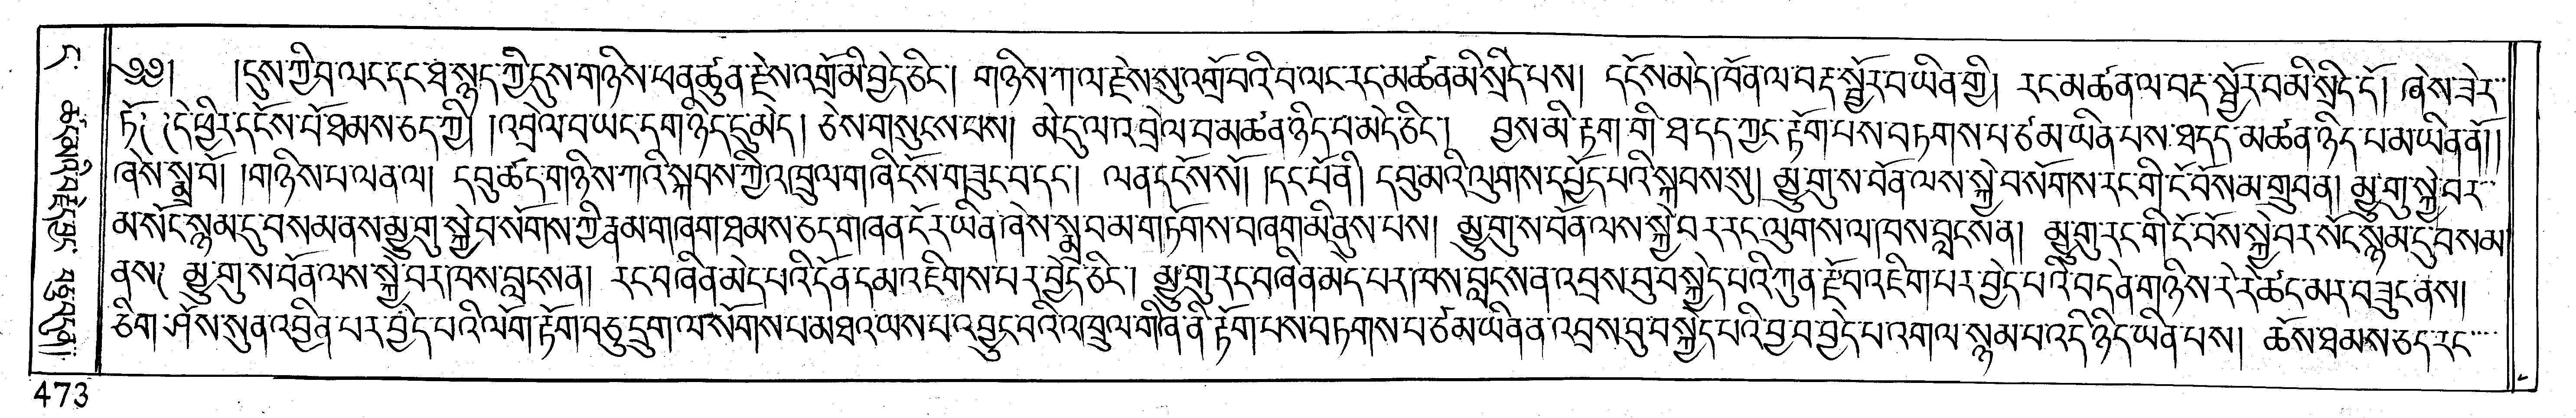༄༅། །དུས་ཀྱི་བ་ལང་དང་ཐ་སྙད་ཀྱི་དུས་གཉིས་ཕན་ཚུན་རྗེས་འགྲོ་མི་བྱེད་ཅིང་། གཉིས་ཀ་ལ་རྗེས་སུ་འགྲོ་བའི་བ་ལང་རང་མཚན་མི་སྲིད་པས། དངོས་མེད་ཁོ་ན་ལ་བརྡ་སྦྱོར་བ་ཡིན་གྱི། རང་མཚན་ལ་བརྡ་སྦྱོར་བ་མི་སྲིད་དོ། ཞེས་ཟེར་
ཏོ༑ ༑དེ་ཕྱིར་དངོས་པོ་ཐམས་ཅད་ཀྱི། །འབྲེལ་བ་ཡང་དག་ཉིད་དུ་མེད། ཅེས་གསུངས་བས། མེ་དུ་ལ་འབྲེལ་པ་མཚན་ཉིད་པ་མེད་ཅིང་། བྱས་མི་རྟག་གི་ཐ་དད་ཀྱང་རྟོག་པས་བཏགས་པ་ཙམ་ཡིན་པས་ཐ་དད་མཚན་ཉིད་པ་མ་ཡིན་ནོ།།
ཞེས་སྨྲ་བོ། །གཉིས་པ་ལན་ལ། དབུ་ཆད་གཉིས་ཀའི་སྐབས་ཀྱི་འཁྲུལ་གཞི་ངོས་གཟུང་བ་དང་། ལན་དངོས་སོ། །དང་པོ་ནི། དབུ་མའི་ལུགས་དཔྱོད་བའི་སྐབས་སུ། མྱུ་གུ་ས་བོན་ལས་སྐྱེ་བ་སོགས་རང་གི་ངོ་བོས་མ་གྲུབ་ན། མྱུ་གུ་སྐྱེ་བར་
མ་སོང་སྙམ་དུ་བསམ་ནས་མྱུ་གུ་སྐྱེ་བ་སོགས་ཀྱི་རྣམ་གཞག་ཐམས་ཅད་གཞན་ངོར་ཡིན་ཞེས་སྨྲ་བ་མ་གཏོགས་བཞག་མི་ནུས་པས། མྱུ་གུ་ས་བོན་ལས་སྐྱེ་བར་རང་ལུགས་ལ་ཁས་བླངས་ན། མྱུ་གུ་རང་གི་ངོ་བོས་སྐྱེ་བར་སོང་སྙམ་དུ་བསམ་
ནས༑ མྱུ་གུས་བོན་ལས་སྐྱེ་བར་ཁས་བླངས་ན། རང་བཞིན་མེད་པའི་དོན་དམ་འཇིགས་པར་བྱེད་ཅིང་། མྱུ་གུ་རང་བཞིན་མེད་པར་ཁས་བླངས་ན་འབྲས་བུ་བསྐྱེད་བའི་ཀུན་རྫོབ་འཇིག་པར་བྱེད་པའི་བདེན་གཉིས་རེ་རེ་ཚད་མར་བཟུང་ནས།
ཅིག་ཤོས་སུན་འབྱིན་པར་བྱེད་པའི་ལོག་རྟོག་བཅུ་དྲུག་ལ་སོགས་པ་མཐའ་ཡས་པ་འབྱུང་བའི་འཁྲུལ་གཞི་ནི་རྟོག་པས་བཏགས་པ་ཙམ་ཡིན་ན་འབྲས་བུ་བསྐྱེད་པའི་བྱ་བ་བྱེད་པ་འགལ་སྙམ་པ་འདི་ཉིད་ཡིན་པས། ཆོས་ཐམས་ཅད་རང་